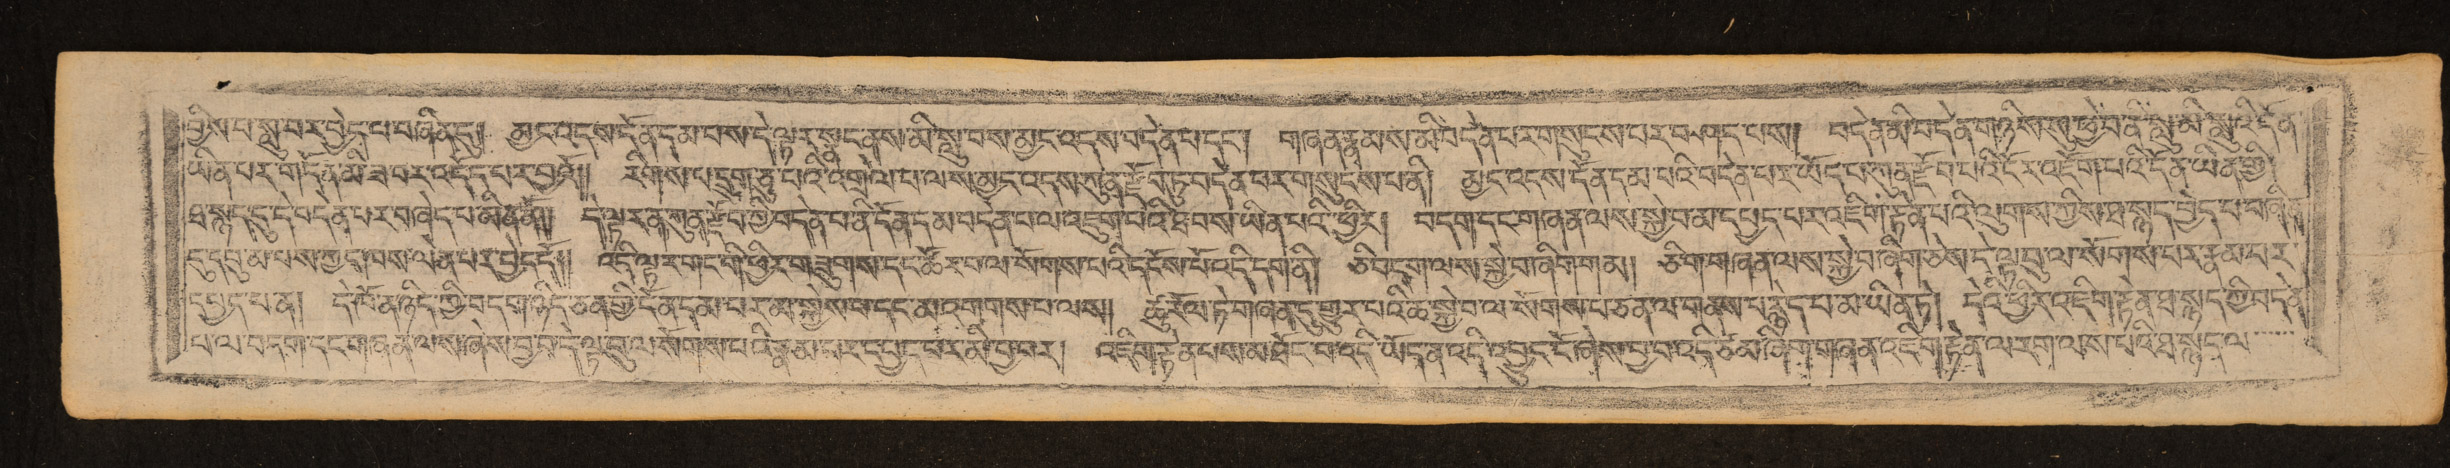བྱིས་པ་སླུ་བར་བྱེད་པ་བཞིན་དུ། མྱང་འདས་དོན་དམ་པས་དེ་ལྟར་སྣང་ནས་མི་སླུ་བས་མྱང་འདས་བདེན་པ་དང་། གཞན་རྣམས་མི་བདེན་པར་གསུངས་པར་བཤད་པས། བདེན་མི་བདེན་གཉིས་སུ་ཕྱེ་བ་ནི་སླུ་མི་སླུའི་དོན་
ཡིན་པར་གདོན་མི་ཟ་བར་འདོད་པར་བྱའོ།། རིགས་པ་དྲུག་ཅུ་པའི་འགྲེལ་པ་ལས་མྱང་འདས་ཀུན་རྫོབ་ཏུ་བདེན་པར་གསུངས་པ་ནི། མྱང་འདས་དོན་དམ་པའི་བདེན་པར་ཡོད་པ་ཀུན་རྫོབ་པའི་ངོར་འཇོག་པའི་དོན་ཡིན་གྱི།
ཐ་སྙད་དུ་དེ་བདེན་པར་བཞེད་པ་མིན་ནོ།། དེ་ལྟར་ན་ཀུན་རྫོབ་ཀྱི་བདེན་པ་ནི་དོན་དམ་བདེན་པ་ལ་འཇུག་པའི་ཐབས་ཡིན་པའི་ཕྱིར། བདག་དང་གཞན་ལས་སྐྱེ་བ་མ་དཔྱད་པར་འཇིག་རྟེན་པའི་ལུགས་ཀྱིས་ཐ་སྙད་བྱེད་པ་བཞིན་
དུ། དབུ་མ་པས་ཀྱང་ཁས་ལེན་པར་བྱེད་དོ།། འདི་ལྟར་གང་གི་ཕྱིར་གཟུགས་དང་ཚོར་བ་ལ་སོགས་པའི་དངོས་པོ་འདི་དག་ནི། ཅི་བདག་ལས་སྐྱེ་བ་ཞིག་གམ། ཅིག་གཞན་ལས་སྐྱེ་བ་ཞིག་ཅེས་དེ་ལྟ་བུ་ལ་སོགས་པར་རྣམ་པར་
དཔྱད་པ་ན། དེ་ཁོ་ན་ཉིད་ཀྱི་བདག་ཉིད་ཅན་གྱི་དོན་དམ་པར་མ་སྐྱེས་པ་དང་མ་འགགས་པ་ལས། ཚུ་རོལ་ཏེ་གཞན་དུ་གྱུར་པའི་ཆ་སྐྱེ་བ་ལ་སོགས་པ་ཅན་ལ་གནས་པ་རྙེད་པ་མ་ཡིན་ཏེ། དེའི་ཕྱིར་འཇིག་རྟེན་ཐ་སྙད་ཀྱི་བདེན་
པ་ལ་བདག་དང་གཞན་ལས་ཞེས་བྱ་བ་དེ་ལྟ་བུ་ལ་སོགས་པའི་རྣམ་པར་དཔྱད་པར་མི་བྱ་བར། འཇིག་རྟེན་པས་མཐོང་བ་འདི་ཡོད་ན་འདི་འབྱུང་ངོ་ཞེས་བྱ་བ་འདི་ཙམ་ཞིག་གཞན་འཇིག་རྟེན་ལ་རག་ལས་པའི་ཐ་སྙད་ལ་